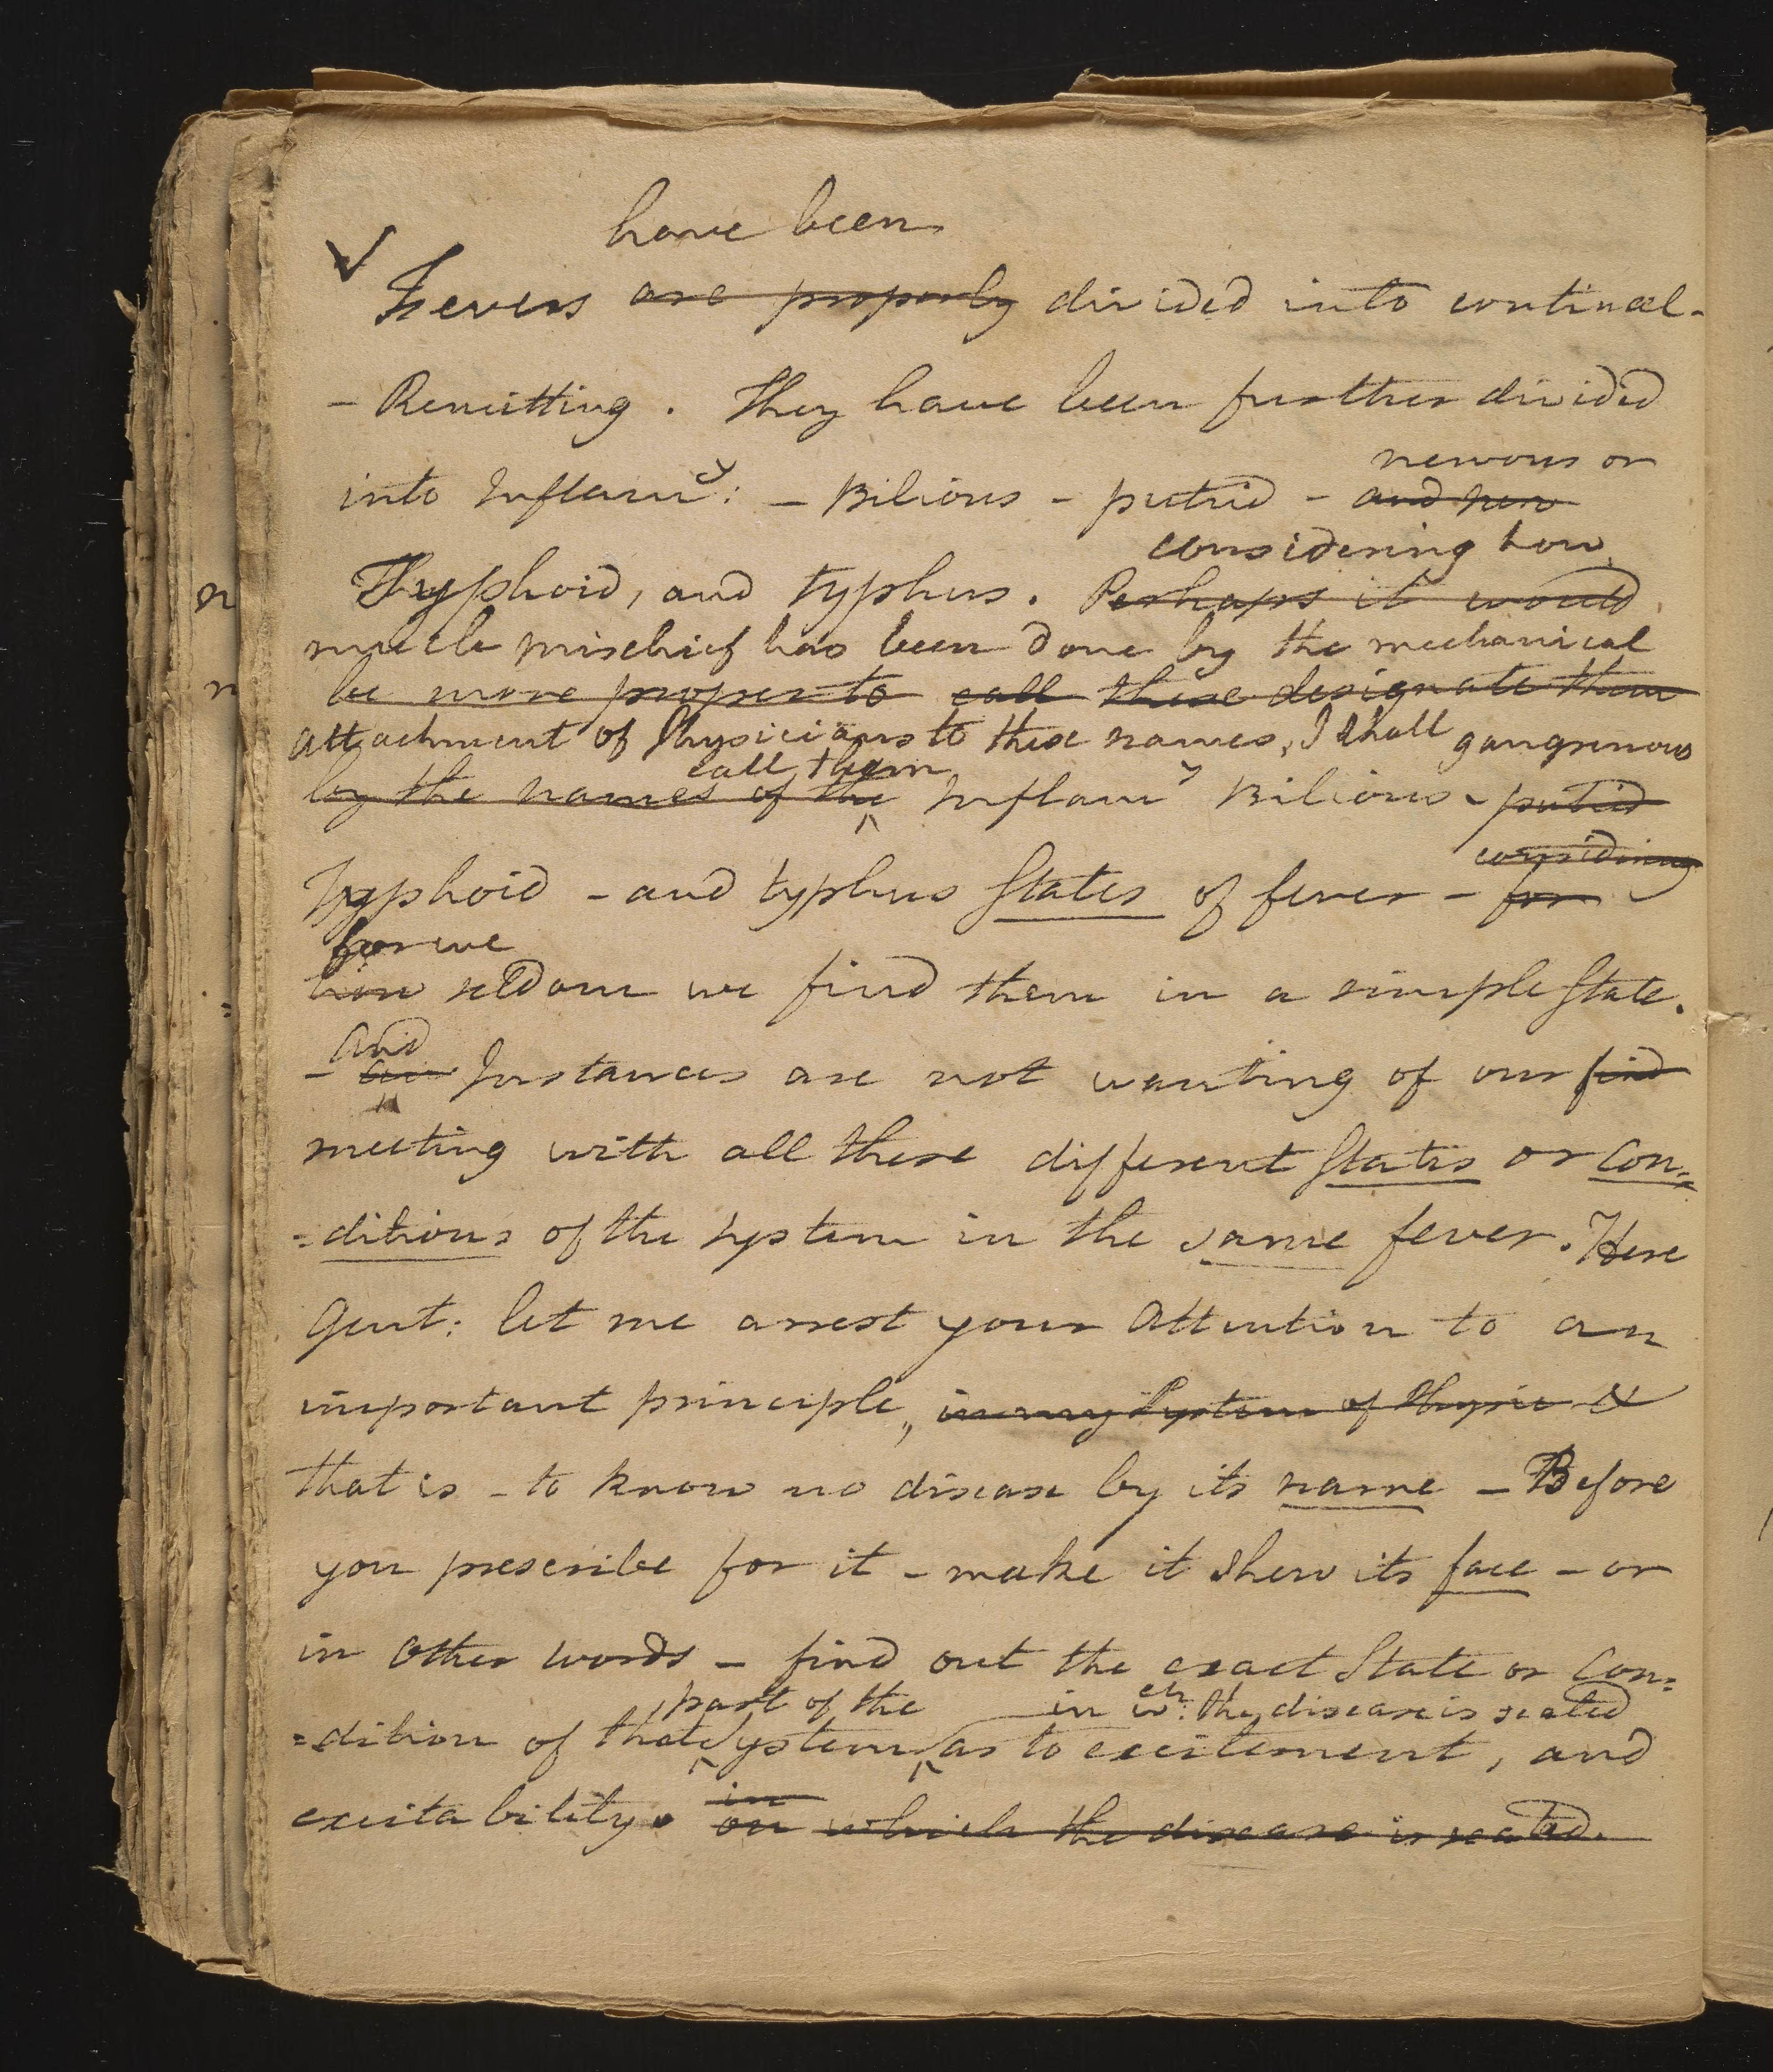have been
Fevers [are properly] divided into continual,
-remitting. They have been further divided
nervous or
into inflam^y:- bilious- putrid- [and ner]
considering how
Typhoid, and typhus. [Perhaps it would]
much mischief has been done by the mechanical
[be more proper to call these designate them]
attachment of Physicians to these names, I shall gangrenous
call them
[by the names of the] ^ inflam^y bilious- [putrid]
typhoid, and typhus states of fever- [for]
for we
[how] seldom we find them in a simple state
and
- [are] Instances are not wanting of our [find]
meeting with all these different states or con-
-ditions of the system in the same fever. Here
Gent: let me arrest your attention to an
important principle, [in my system of Physic] &
that is to know no disease by its name. Before
you prescribe for it, make it shew its face, or
in other words- find out the exact state or con-
part of the in w^ch the disease is seated
-dition of that ^ system ^ as to excitement, and
in
excitability [on which the disease is seated]